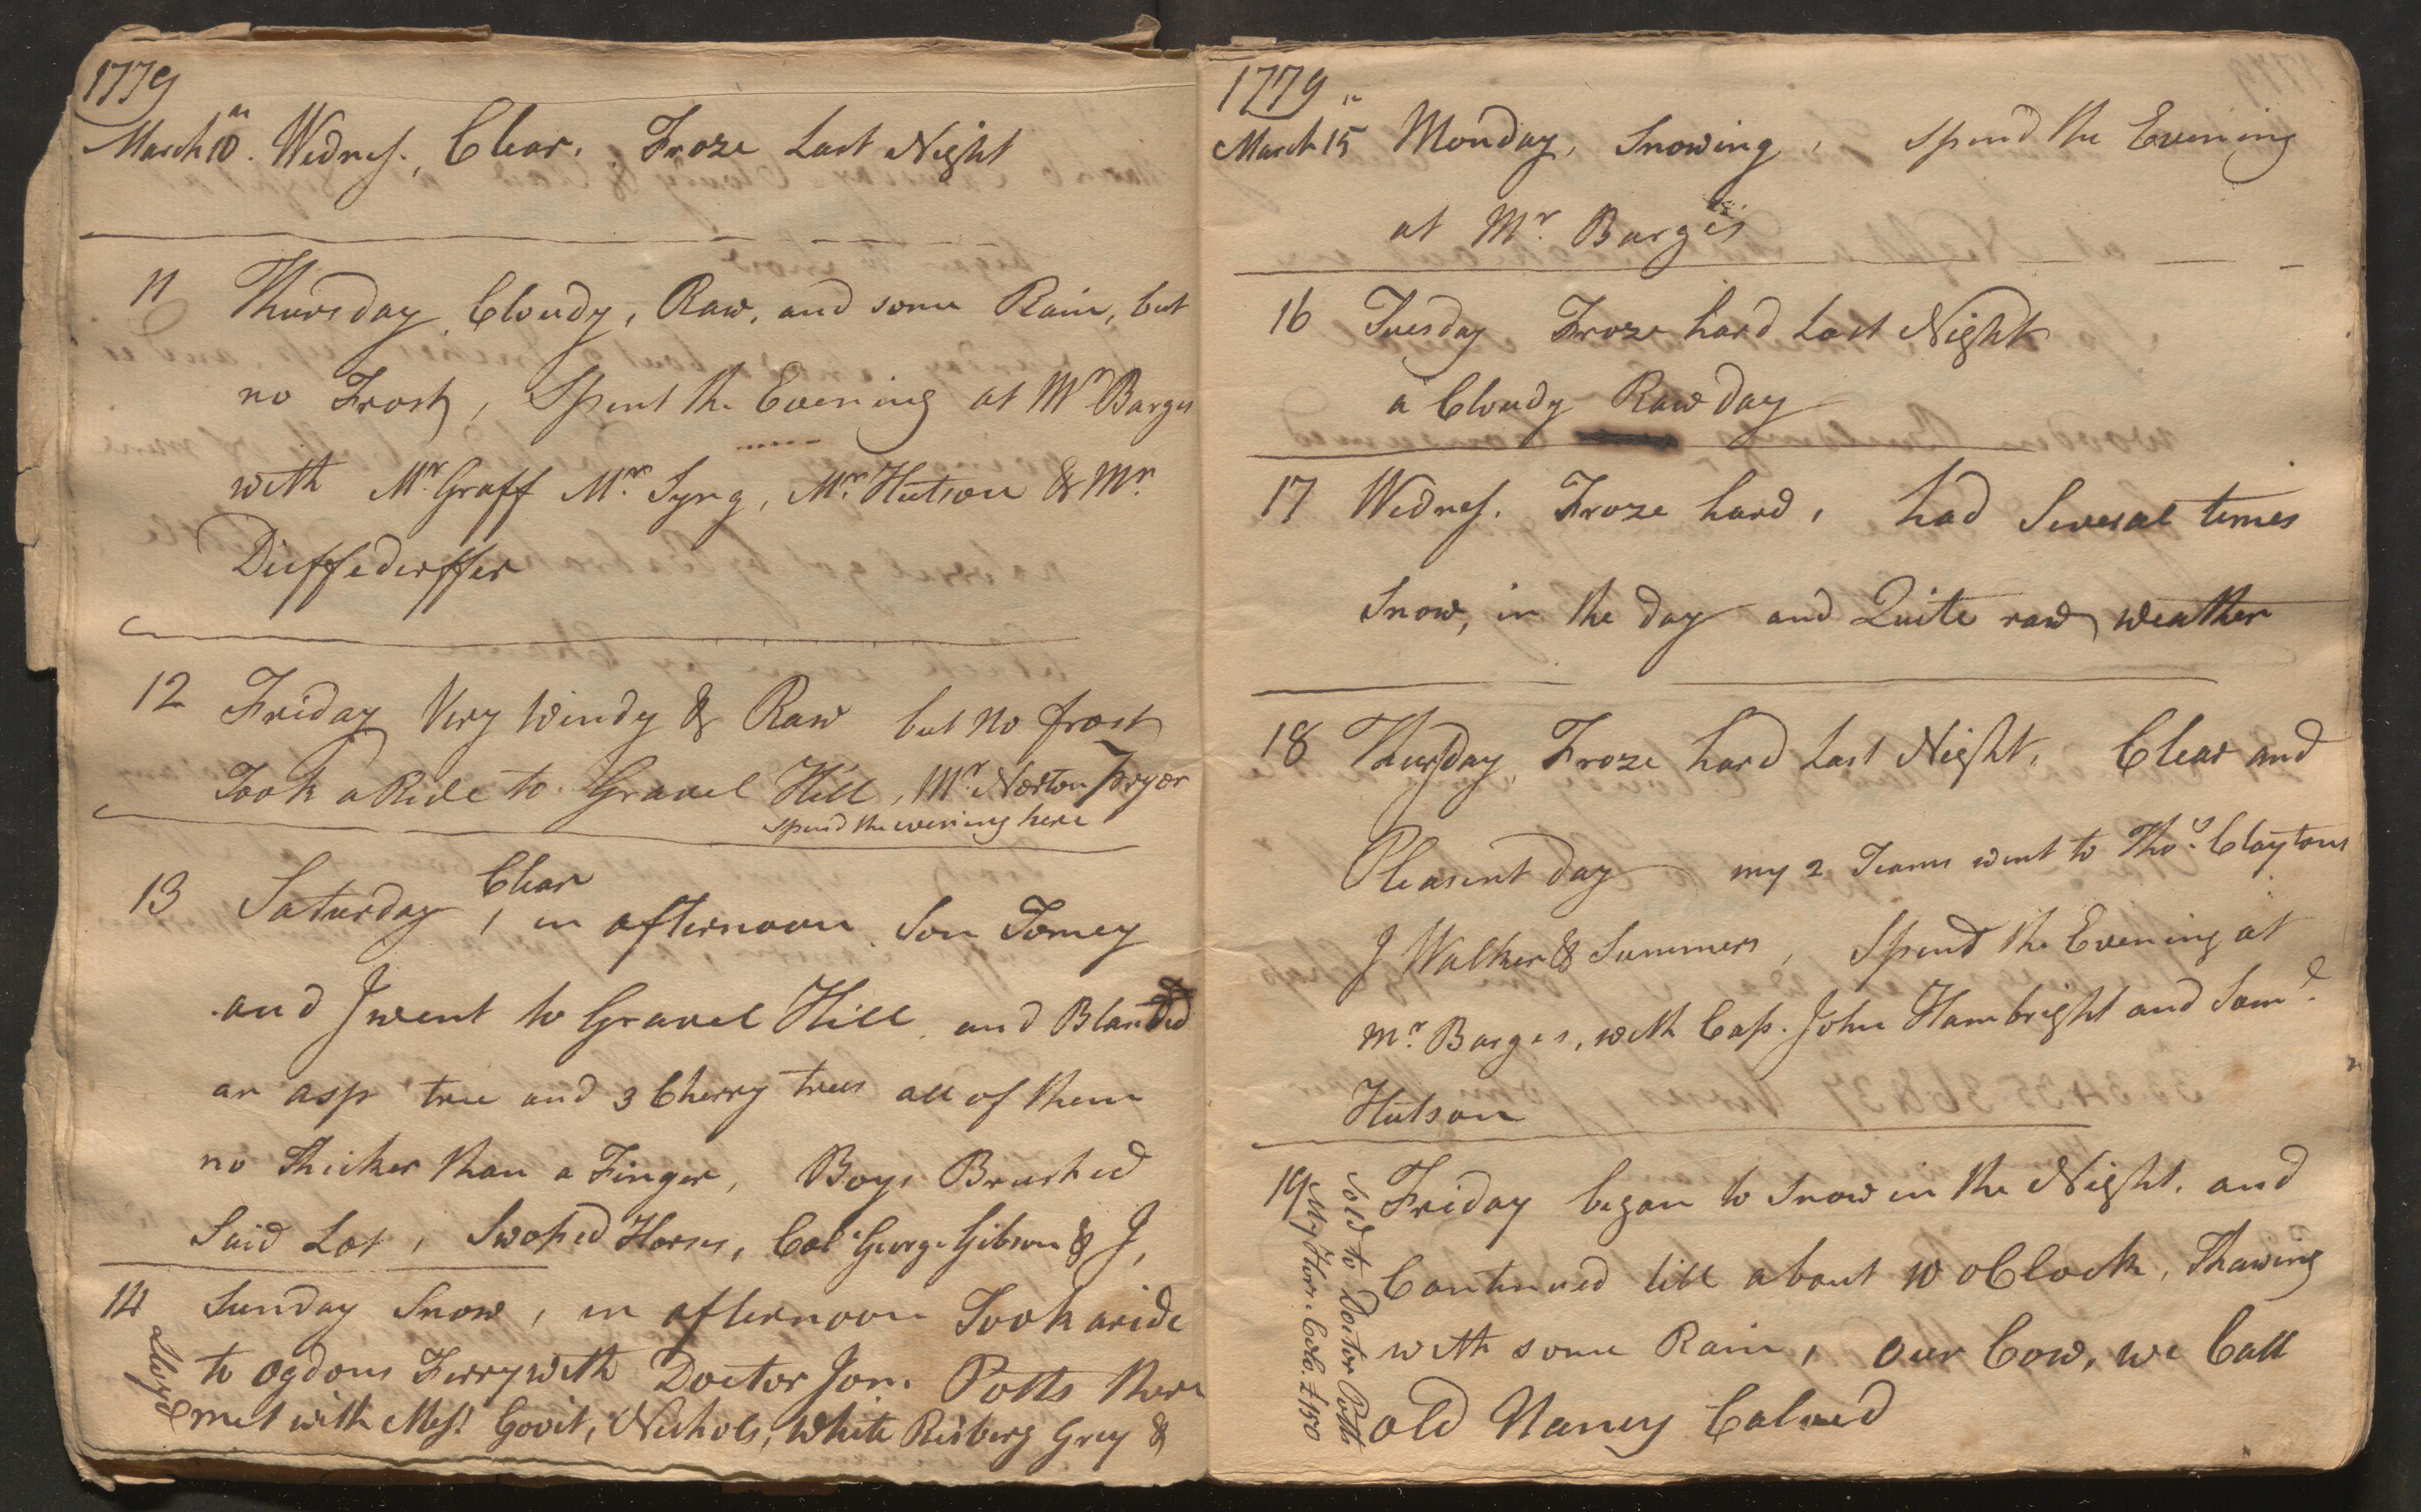1779
March 10^h. Wednes. Clear. Froze Last Night
11 Thursday, Cloudy, Raw, and some Rain, but
no Frost, spent the Evening at M^r Barges
with M^r. Graff M^r. Syng, M^r. Hutson & M^r.
Diffederffer
12 Friday Very Windy & Raw, but no frost
Took a Ride to Gravel Hill, M^r. Norton pryor
spend the evening here &
Clear
13 Saturday ^ in afternoon. Son Tomey
and I went to Gravel Hill, and Blanded
an asp tree and 3 Cherny trees all of them
no Thicker than a Finger, Boys Brushed
said Lot. Swoped Horses, Col George Gibson & J
14 Sunday Snow, in afternoon Took a ride
to ogdons Ferry with Doctor Jon. Potts then
met with Mess. Govit, Nichols white Reiberg Grey &
1779
March 15^h Monday Snowing spend the Evening
at M^r. Barges
16 Tuesday Froze hard Last Night
a Clondy Raw day
17 Wednes. Froze hard, had Several times
Snow, in the day and Quite raw Weather
18 Thursday Froze hard last Night,
Clear and
Pleasent day my 2 Teams went to Tho^s. Claytons
J Walker & Summers, Spent the Evening at
M^r. Barges, with Cap. John Ham bright and Sam^l.
Hutson
19
Friday began to snow in the Night, and
Continued till about 10 oClock, Thawing
with some Rain, our Cow, we Call
old Nancy Calved
old to Doctor Potts
My Horse Colo. £150